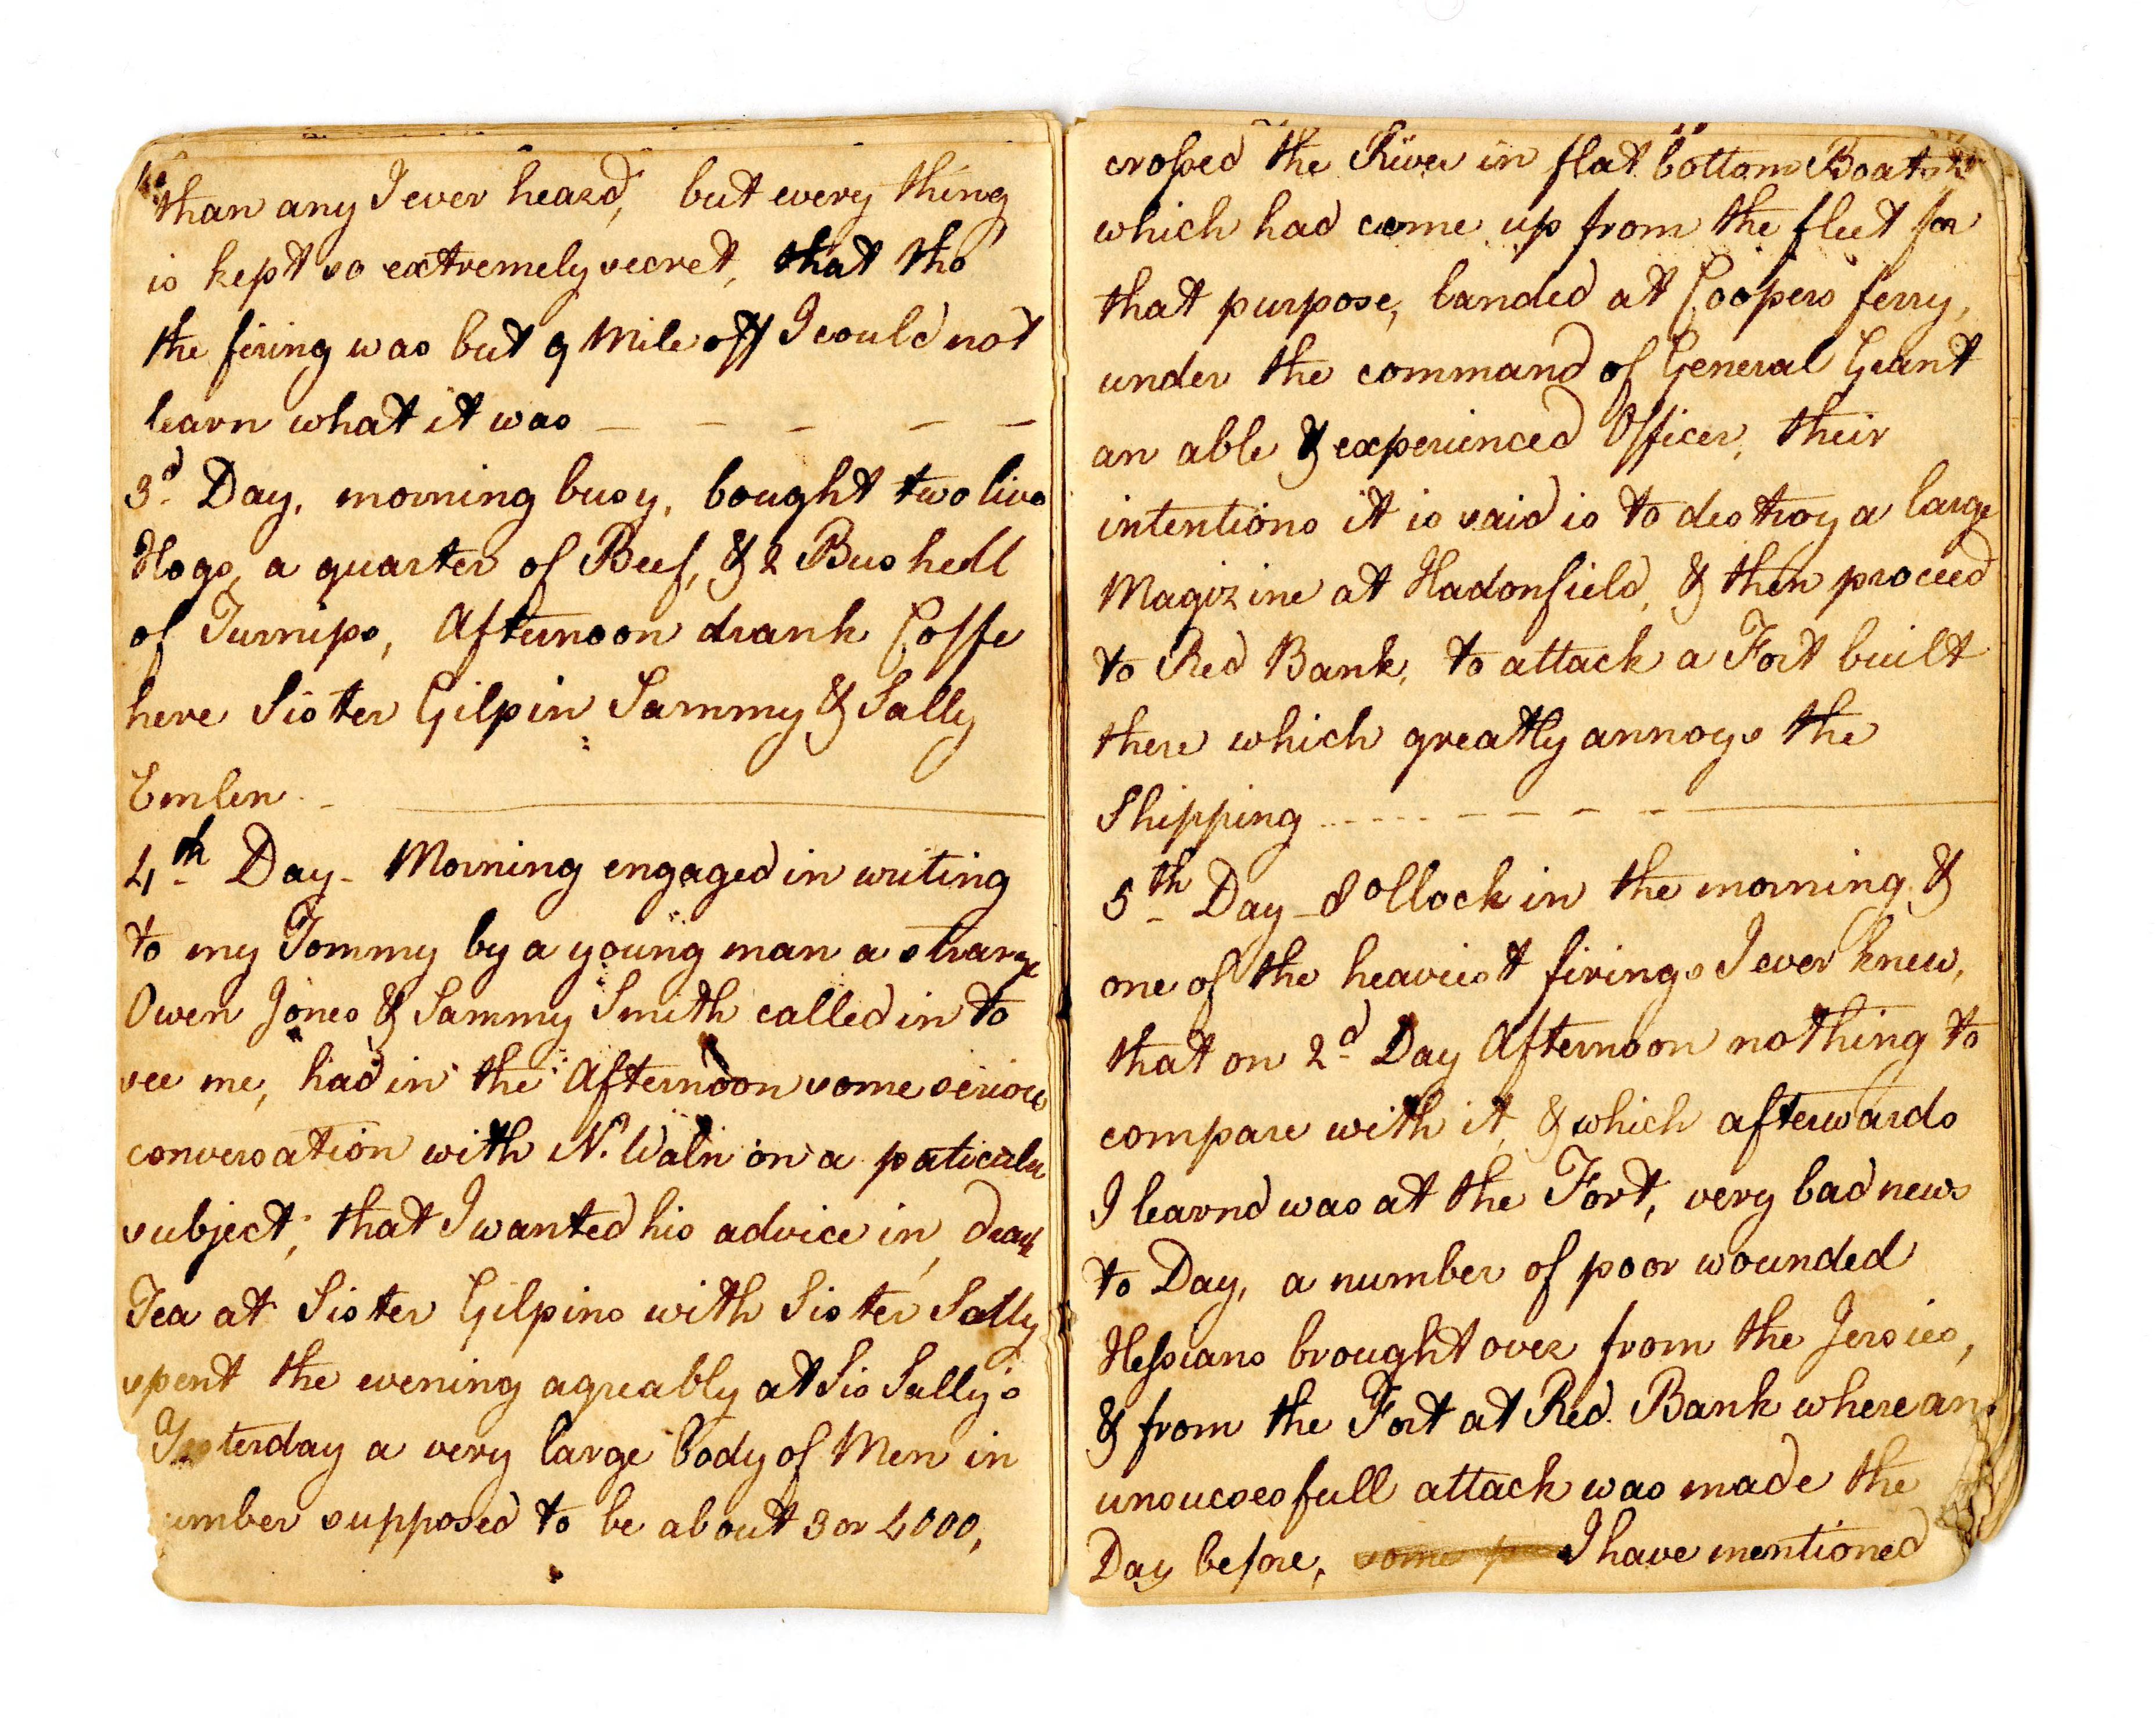20
than any I ever heard, but every thing
is kept so extremely secret, that tho
the firing was but 9 mile off I could not
learn what it was-
3^d Day. morning busy, bought two live
Hogs, a quarter of Beef, & 2 Bushell
of Turnips, Afternoon drank Coffe
here Sister Gilpin Sammy & Sally
Emlen--
4^th Day- Morning engaged in writing
to my Tommy by a young man a strange
Owen Jones & Sammy Smith called in to
see me, had in the Afternoon some seriou
conversation with N. Waln on a paticula
subject, that I wanted his advice in drank
Tea at Sister Gilpins with Sister Sally
spent the evening agreably at Sis Sally's
Yesterday a very large body of Men in
umber supposed to be about 3 or 4000,
crossed the River in flat bottom Boats 21
which had come up from the fleet for
that purpose, landed at Coopers ferry,
under the command of General Grant
an able & experienced Officer their
intentions it is said is to destroy a large
Magizine at Hadonfield, & then proceed
to Red Bank, to attack a Fort built
there which greatly annoys the
Shipping.
5^th Day- 8 ^o Clock in the morning &
one of the heaviest firings I ever knew,
that on 2^d Day Afternoon nothing to
compare with it & which afterwards
I learnd was at the Fort, very bad news
to Day, a number of poor wounded
Hessians brought over from the Jersies,
& from the Fort at Red. Bank where an
unsucsesfull attack was made the
Day before, some [p__] I have mentioned